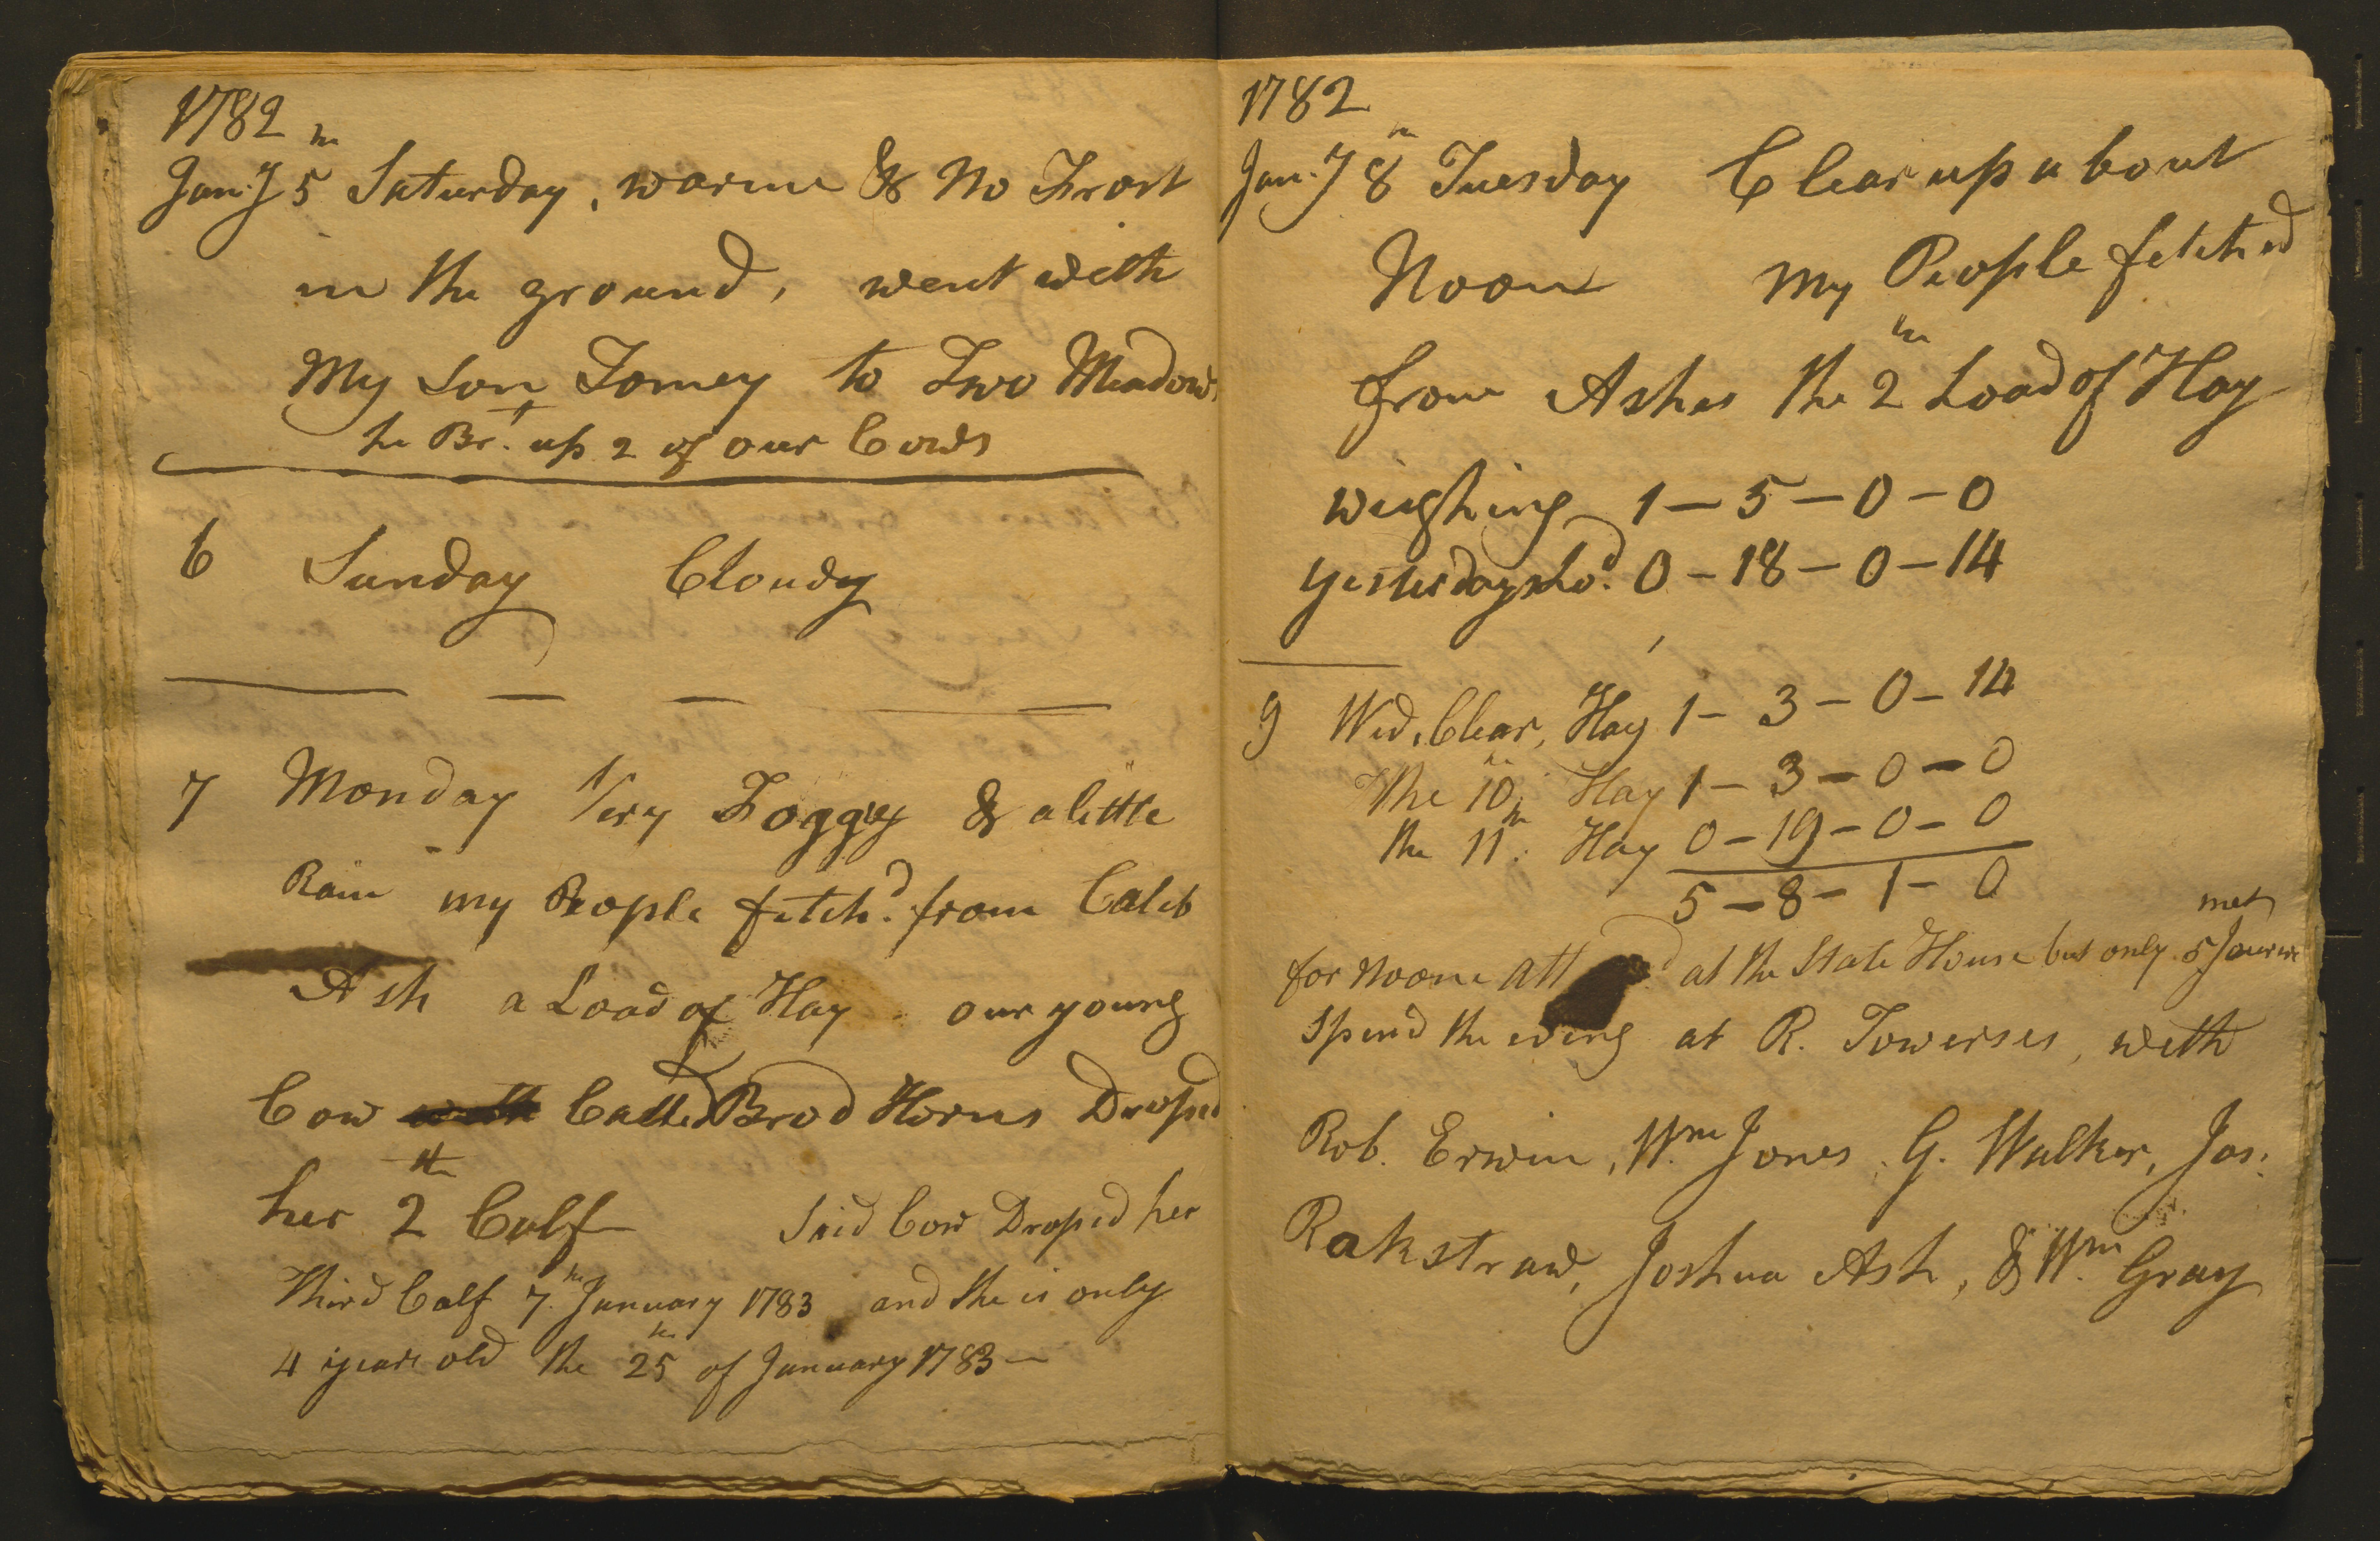1782
Jan^y. 5^th Saturday, warme & No Frost
in the ground, went with
My son Tomey to Two Meadow
he Br^t. up 2 of our Cows
6 Sunday Cloudy
7 Monday Very Foggey & a little
Rain my People fetch^d. from Caleb
Ash a Load of Hay our young
Cow [with] Called Brod Horns Droped
her 2^th Calf said Cow Droped her
Third Calf 7^th. January 1783 and she is only
4 years old the 25^th of January 1783-
1782
Jan^y. 8^th Tuesday Clear up about
Noon my People fetched
from Ashes the 2^th Load of Hay
Weighing 1-5-0-0
Yesterday Lo^d. 0-18-0-14
9 Wed. Clear Hay 1-3-0-14
The 10^h Hay 1-3-0-0
the 11^th. Hay 0- 9-0-0
5-8-1-0
met
for No one att at the State House but only o ^ James
spend the eving at R. Towerses, with
Rob. Erwin, W^m Jones G. Walker, Jas.
Rakstraw Joshua Ash, & W^m. Gray